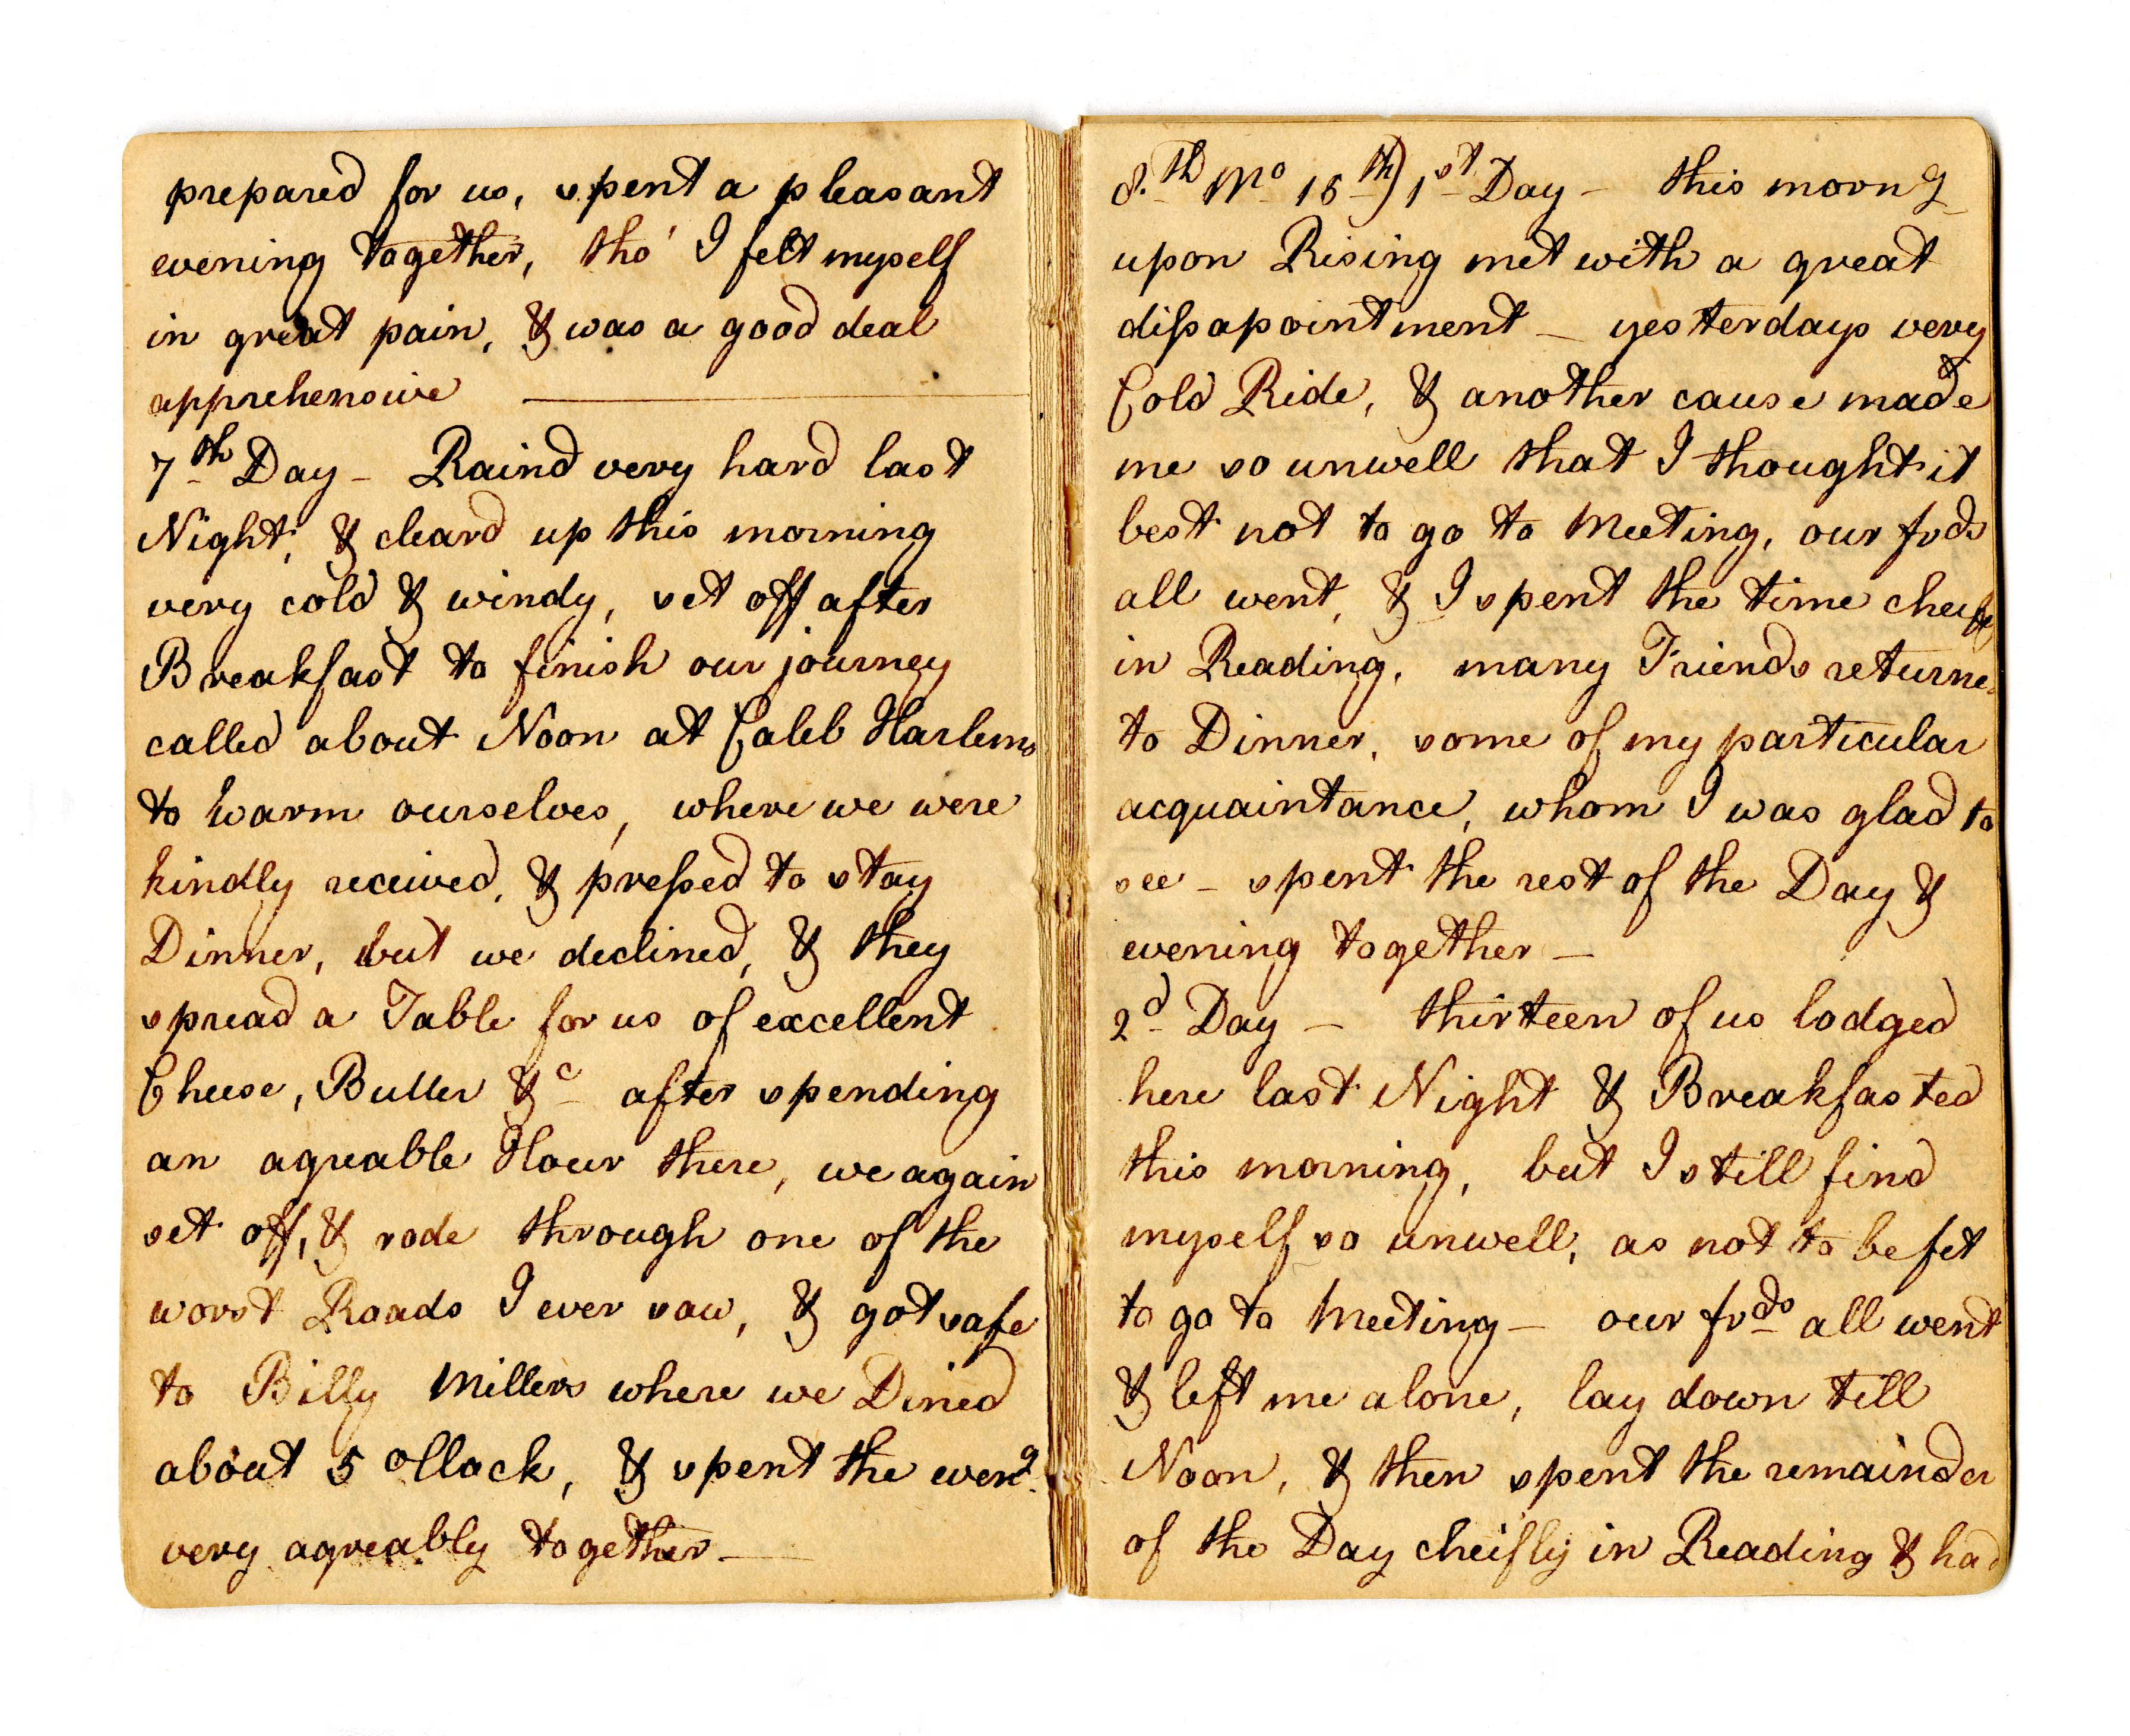prepared for us, spent a pleasant
evening together, tho' I felt myself
in great pain, & was a good deal
apprehensive-
7^th Day- Raind very hard last
Night, & cleard up this morning
very cold & windy, set off after
Breakfast to finish our journey
called about Noon at Caleb Harlems
to warm ourselves, where we were
kindly received, & pressed to stay
Dinner, but we declined, & they
spread a Table for us of excellent
Cheese, Butter &^c after spending
an agreable Hour there, we again
set off, & rode through one of the
worst Roads I ever saw, & got safe
to Billy Millers where we Dined
about 5 ^oClock, & spent the ever^g
very agreably together-
8^th M^o 15^th) 1^st Day- this morn^g
upon Rising met with a great
dissapointment- yesterdays very
Cold Ride, & another cause made
me so unwell that I thought it
best not to go to Meeting, our frds
all went, & I spent the time cheif
in Reading, many Friends returne
to Dinner, some of my particular
acquaintance, whom I was glad to
see- spent the rest of the Day &
evening together-
2^d Day- thirteen of us lodged
here last Night & Breakfasted
this morning, but I still find
myself so unwell, as not to be fit,
to go to Meeting- our fr^ds all went
& left me alone, lay down till
Noon, & then spent the remainder
of the Day cheifly in Reading & had